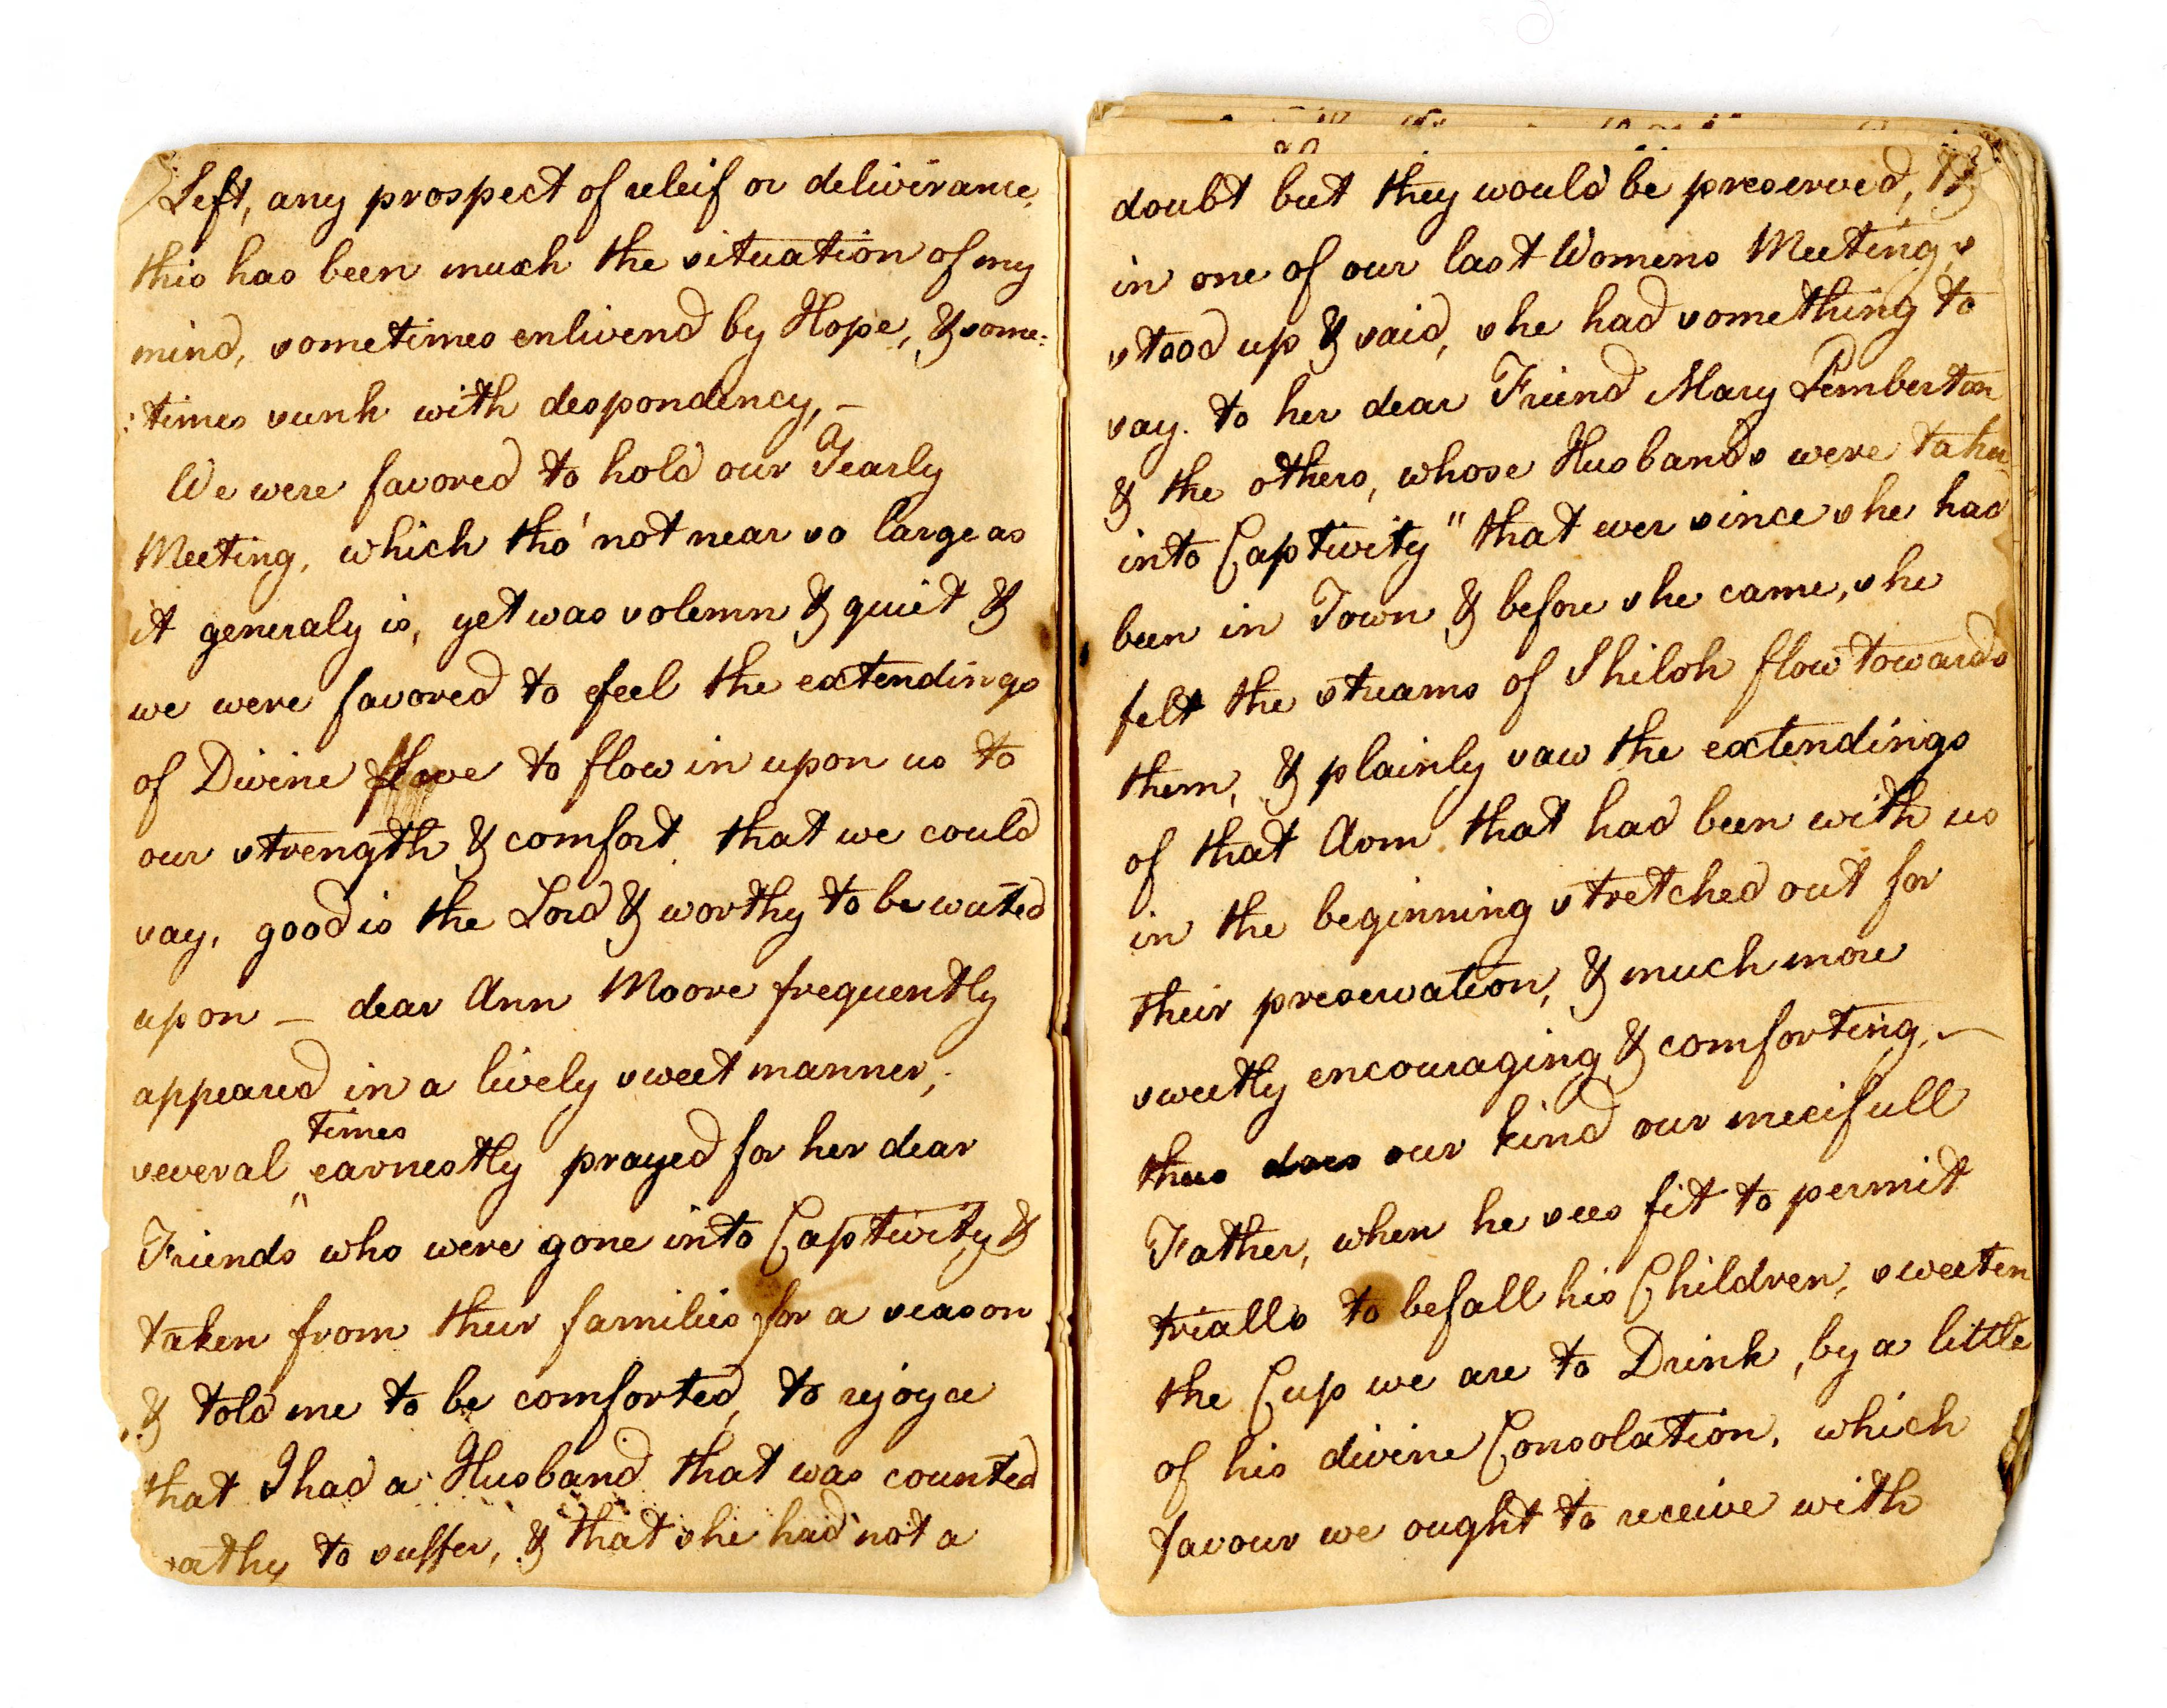Left any prospect of releif or deliverance
this has been much the situation of my
mind, sometimes enlivend by Hope, & some-
-times sunk with despondency,-
We were favored to hold our Yearly
Meeting, which tho' not near so large as
it generaly is, yet was solemn & quiet &
we were favored to feel the extendings
of Divine Love to flow in upon us to
our strength & comfort, that we could
say, good is the Lord & worthy to be waited
upon- dear Ann Moore frequently
appeared in a lively sweet manner,
several earnestly prayed for her dear
Times
Friends who were gone into Captivity &
taken from their families for a season
& told me to be comforted, to rejoyce
that I had a Husband that was counted
worthy to suffer, & that she had not a
doubt but they would be preserved
11
in one of our last Womens Meetings
stood up & said, she had something to
say to her dear Friend Mary Pemberton
& the others, whose Husbands were taken
into Captivity "that ever since she has
been in Town & before she came, she
felt the streams of Shiloh flow towards
them, & plainly saw the extendings
of that Arm that had been with us
in the beginning stretched out for
their preservation, & much more
sweetly encouraging & comforting.-
thus does our kind our mecifull
Father, when he sees fit to permit
trialls to befall his Children, sweeten
the Cup we are to Drink, by a little
of his divine Consolation, which
favour we ought to receive with